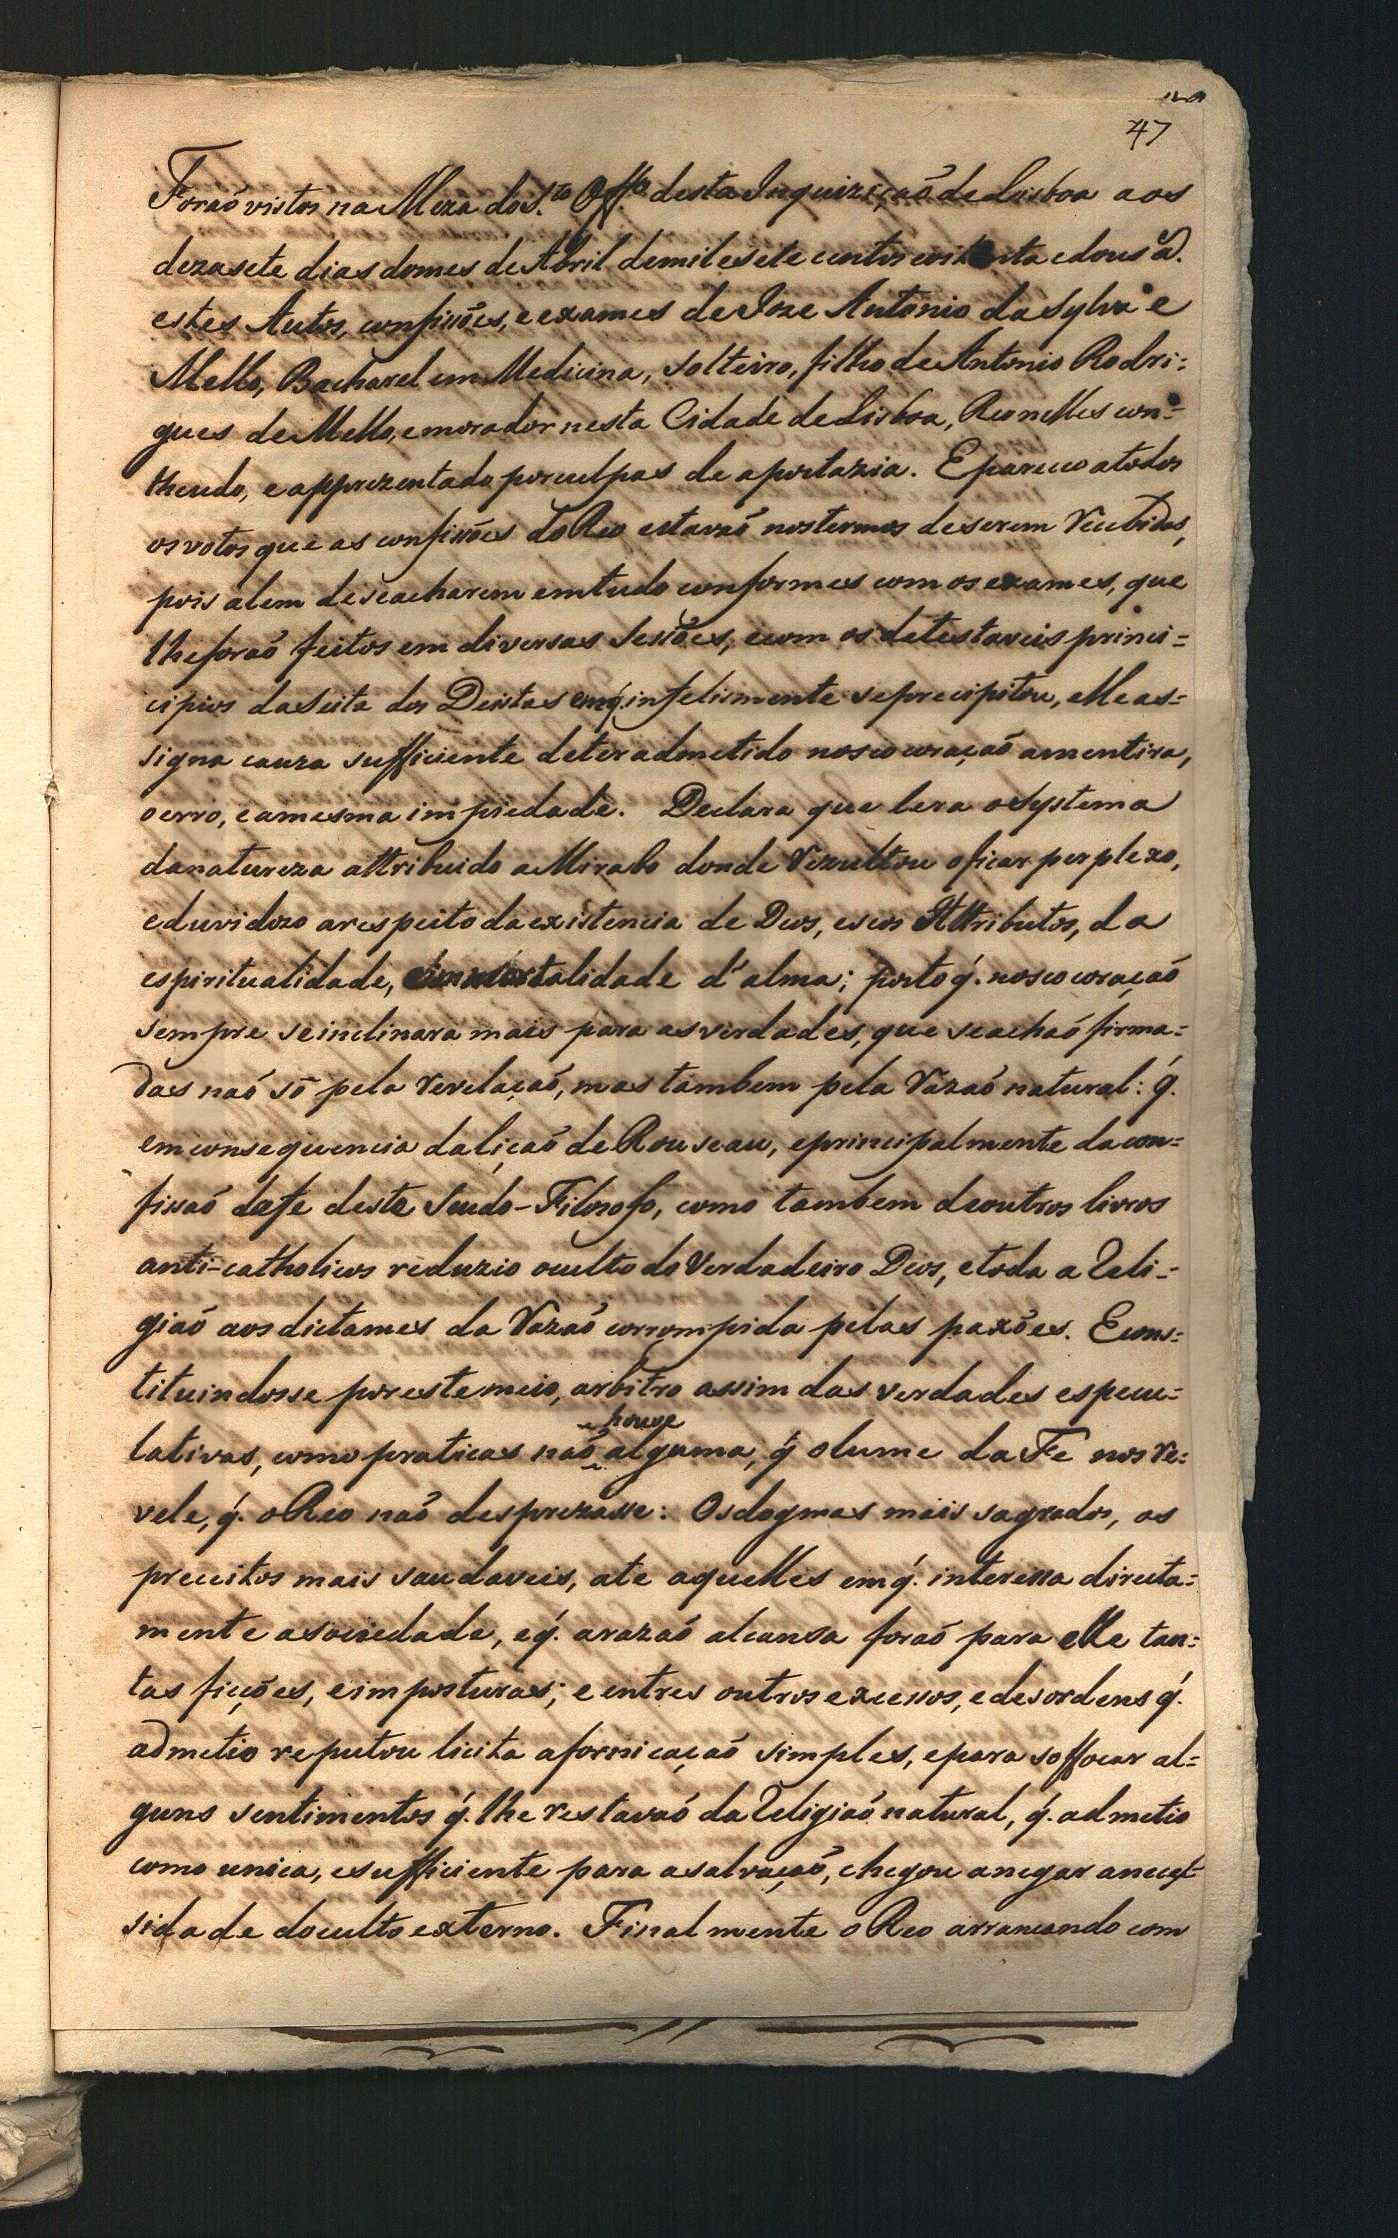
47
Foraõ vistos na Meza do S.to Off.o desta Inquiziçaõ de Lisboa aos
dezasete dias do mes de Abril de mil e setecentos e oitenta e dous ā
estes Autos, confissões, e exames de Ioze Antonio da Sylva e
Mello, Bacharel em Medicina, solteiro, filho de Antonio Rodri
gues de Mello, e morador nesta Cidade de Lisboa, Reo nelles con
theudo, e apprezentado por culpas de apostazia. E pareceo a todos
os votos que as confissões do Reo estavaõ nos termos de serem recebidas,
pois alem de se acharem em tudo conformes com os exames, que
lhe foraõ feitos em diversas sessões, e com os detestaveis princi
cipios da seita dos Deistas em q̄ infelismente se precipitou, elle as
signa cauza sufficiente de ter admetido no seo coraçaõ a mentira,
o erro, e a mesma impiedade. Declara que hera o Systema
da natureza attribuido a Mirabo donde rezultou o ficar perplexo,
e duvidozo a respeito da existencia de Deos, e seos Altributos, da
espiritualidade, e imortalidade d'alma; posto q̄ nosso coraçaõ
sempre se inclinará mais para as verdades, que se achaõ firma
das naõ só pela revelaçaõ, mas tambem pela Razaõ natural: q̄
em consequencia da liçaõ de Rouseau, e principalmente da con
fissaõ da fe deste Seudo-Filosofo, como tambem de outros livros
anti-catholicos reduzio o culto do verdadeiro Deos, e toda a Reli
giaõ aos dictames da Razaõ corrompida pelas paxões. E cons
tituindosse por este meio, arbitro assim das verdades especu
lativas, como praticas naõ houve alguma, q̄ o lume da Fé nos re
vele, q̄ o Reo naõ desprezasse: Os dogmas mais sagrados, os
preceitos mais saudaveis, ate aquelles em q̄ interessa directa
mente a sociedade, e q̄ a razaõ alcansa foraõ para elle tan
tas ficções, e imposturas; e entres outros excessos, e desordens q̄
admetio reputou licita a fornicaçaõ simples, e para soffocar al
guns sentimentos q̄ lhe restavaõ da Religiaõ natural, q̄ admetio
como unica, e sufficiente para a salvaçaõ, chegou a negar a neces
sidade do culto externo. Finalmente o Reo arrancando com
